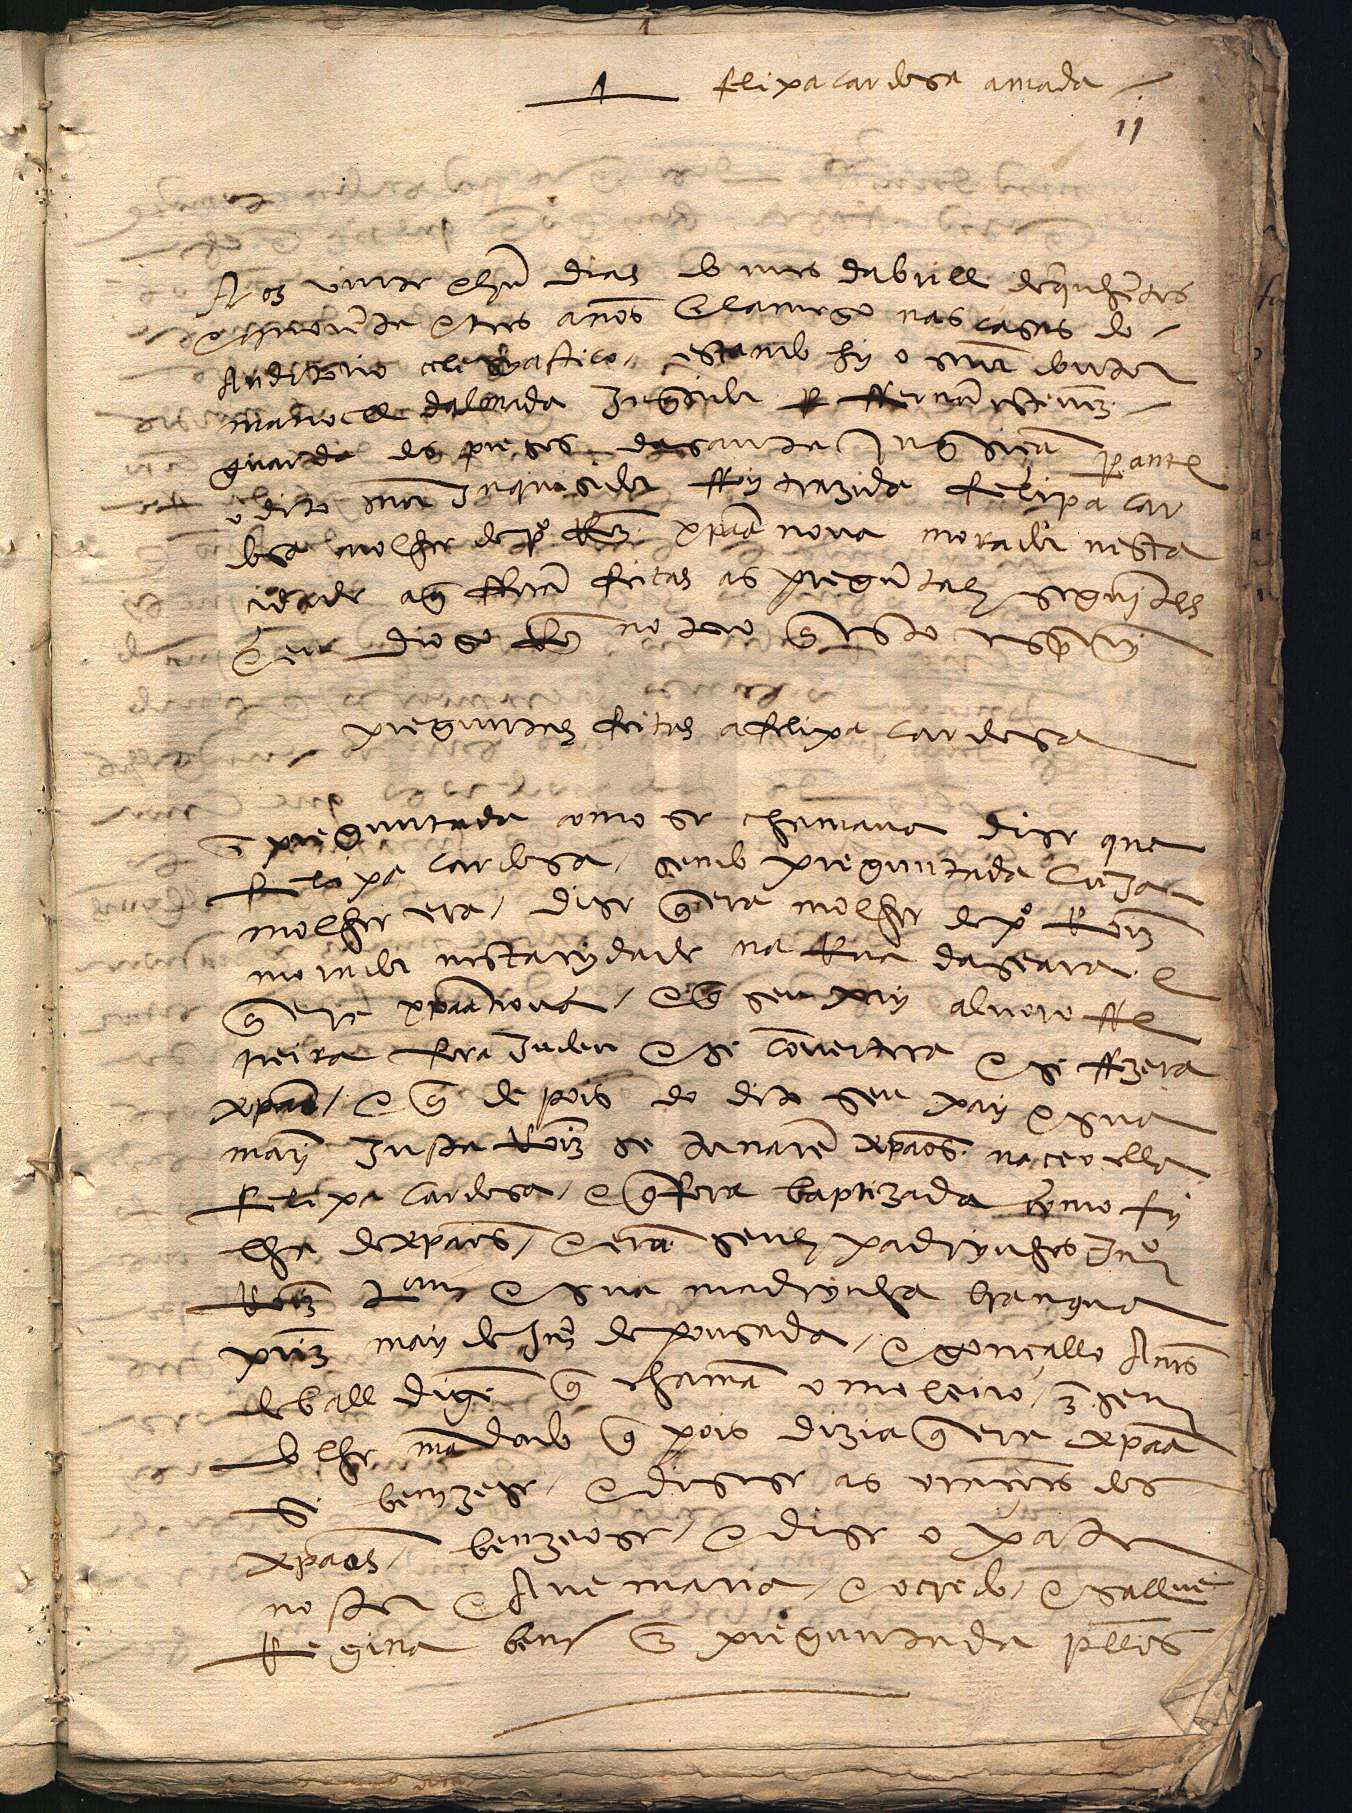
felipa cardosa amada
Aos vinte e hū dias do mes dabrill de q̄nhētos
e quorēta e tres an̄os ē lamego nas casas do /
Auditorio eclesyastico / estando hy o sn̄or doutor
manoell dalmada Jnq̄sidor ꝑ ffernā esteuez
guarda dos presos da santa Jnq̄siçā ꝑante
o dito s̄nor Jnquisidor ffoy trazida felipa Car
dosa molher de ꝑo Rōz xpāa noua morador nesta
çidade a q̄ fforā feitas as pregūtas seguj̄tes
e eu diogo R̄oz notro q̄ esto esp̄evy
preguntas feitas a felipa Cardosa
item preguntada como se chamaua dise que
felipa cardosa / sendo preguntada CuJa
molher era / dise q̄ era molher de po Roīz
morador nesta cydade na Rua da seara e
q̄ era xp̄aa noua / e q̄ seu pay aluoro ffe
rreira fora Judeu e se c̄ouertera e se ffezera
xpão / e q̄ depois do dito seu pay e sua
mãy Justa Rōiz se tornarē xpãos. naçeo ella
felipa Cardosa / e q̄ fora baptizada como fy
lha de xpãos / e erā seus padrynhos Jmo
Roīz tam e sua madrynha branqua
pr̄iz may de Jmo de pousada / e gonçallo An̄es
de balldīgem q̄ chamā o moleiro / item sem
do lhe m̄adado q̄ pois dizia q̄ era xp̄aa
se bemzese / e disese as orações dos
xpãos / benzeose / e dise o pater
noster e Aue maria / e o credo / e sallue
Regina bem item preguntada pl̄los
